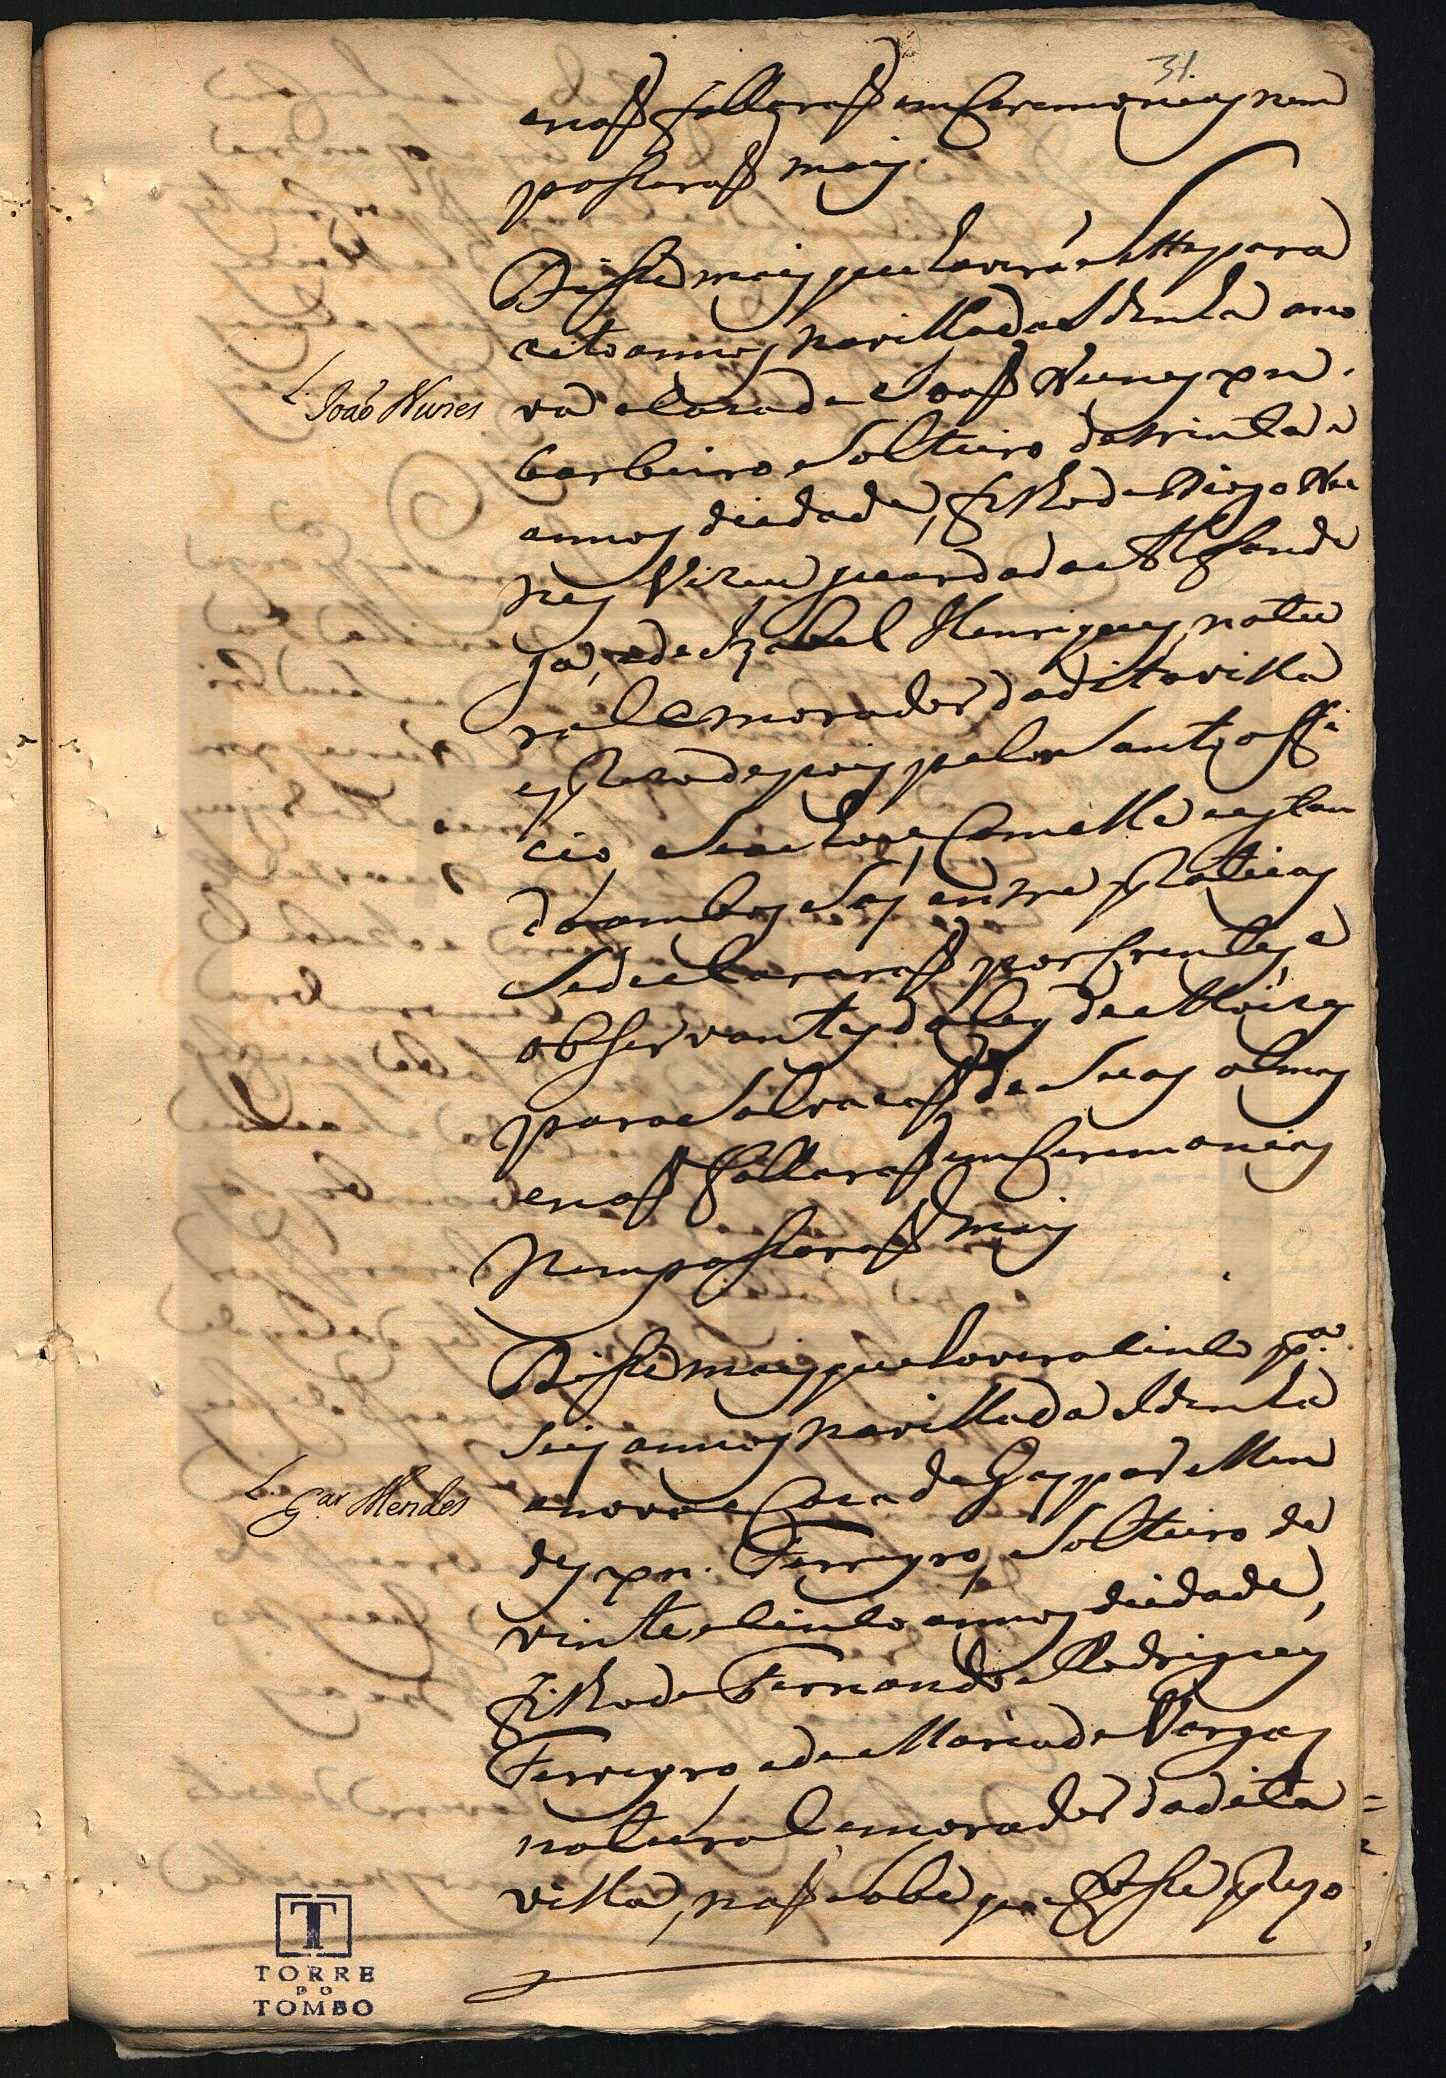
e naõ fallaraõ em Ceremonias nem
passaraõ mais.
Disse mais que havera Sette para
oito annos na villa da Idanha, a no
va e Caza de Ioaõ Nunes xn.
L. Ioão Nunes
barbeiro, Solteiro de trinta a
annos de idade, filho de Diogo Nu
nes Vizeu guarda da Alfande
ga, e de Izabel Henriques, natu
ral e morador da dita villa
e pRezo depois pelo Santo offi
cio se achou Com elle, e estan
do ambos Sos entre pRaticas
observantes da Ley de Moizes
para salvaçaõ de Suas almas
e naõ fallaraõ em Ceremonias
Nem passaraõ mais
Disse mais que havera cinco p.a
seis annos na villa da Idanha
a nova e Caza de Gaspar Men
L. G.ar Mendes
des xn. Ferreyro, Solteiro de
vinte e Cinco annos de idade,
filho de Fernando Rodrigues
Ferreyro, e de Maria da Vargas
natural e morador da dita
villa naõ sabe que fosse pRezo
